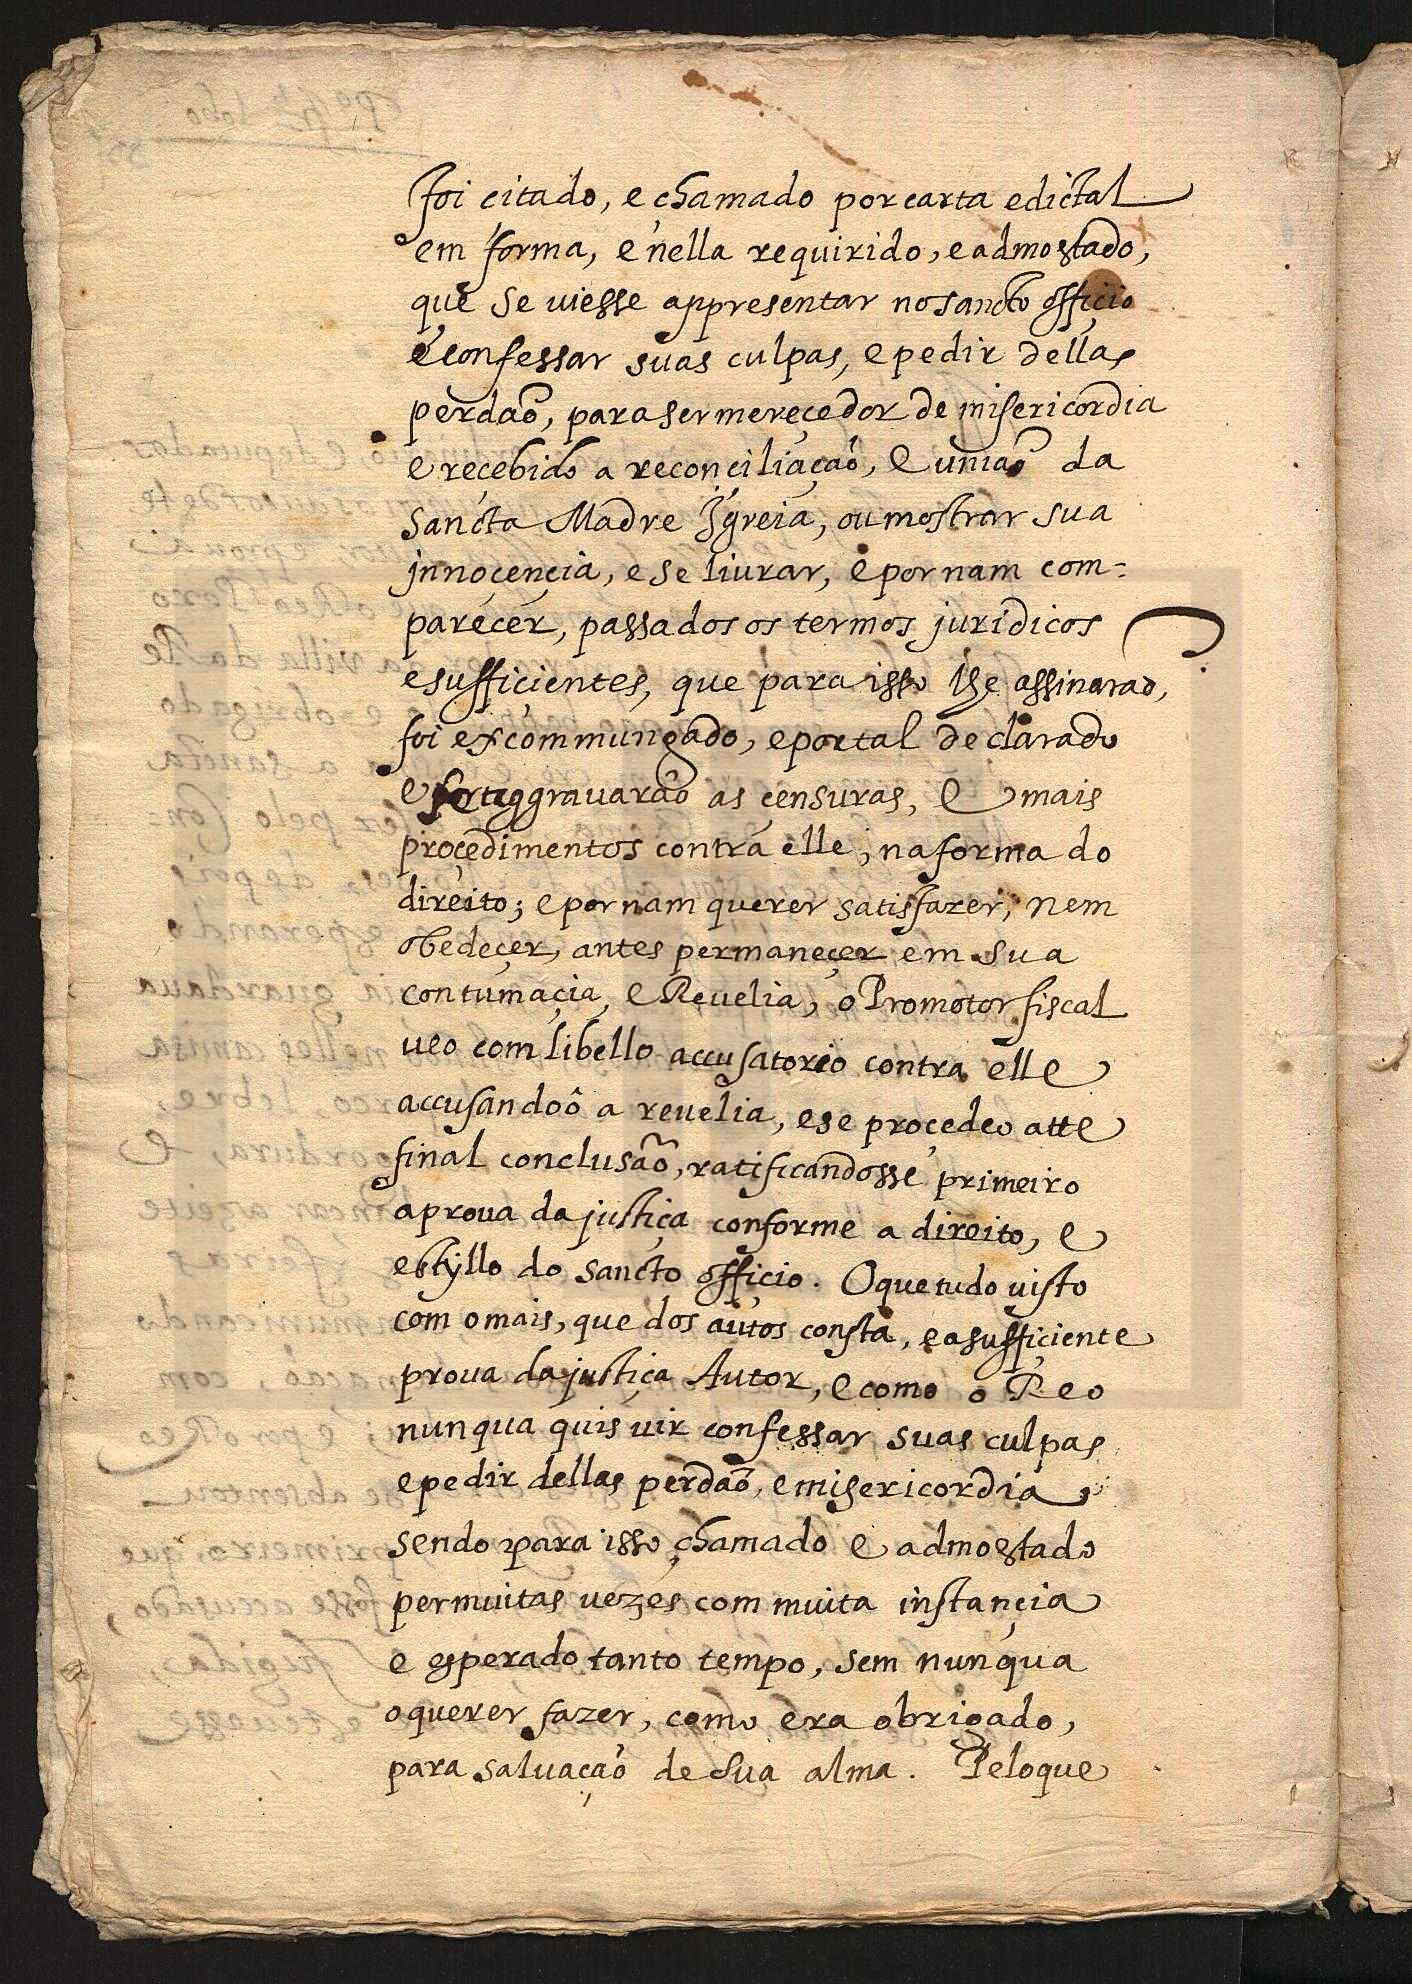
foi citado, e chamado por carta edictaL
em forma, e nella requirido, e admoestado,
que se uiesse appresentar no sancto officio
e confessar suas culpas, e pedir dellas
perdão, para ser merecedor de misericordia
e recebido a reconciliaçaõ, e união da
Sancta Madre Igreia, ou mostrar sua
jnnocencia, e se liurar, e por nam com
parecer, passados os termos juridicos
e sufficientes, que para isso lhe assinarão,
foi excommungado, e por tal declarado
e _aggrauarão as censuras, e mais
procedimentos contra elle, na forma do
direito, e por nam querer satisfazer, nem
obedecer, antes permanecer em sua
contumacia, e Reuelia, o Promotor FiscaL
ueo com Libello accusatorio contra elle
accusandoô a reuelia, e se procedeo atte
finaL conclusão, ratificandosse primeiro
a proua da justiça conforme a direito, e
estyllo do sancto officio. O que tudo uisto
com o mais, que dos autos consta, e a sufficiente
proua da justiça Autor, e como o Reo
nunqua quis uir confessar suas culpas
e pedir dellas perdão, e misericordia
sendo para isso chamado e admoestado
per muitas uezes com muita instancia
e esperado tanto tempo, sem nunqua
o querer fazer, como era obrigado,
para saluação de sua alma. Pelo que
